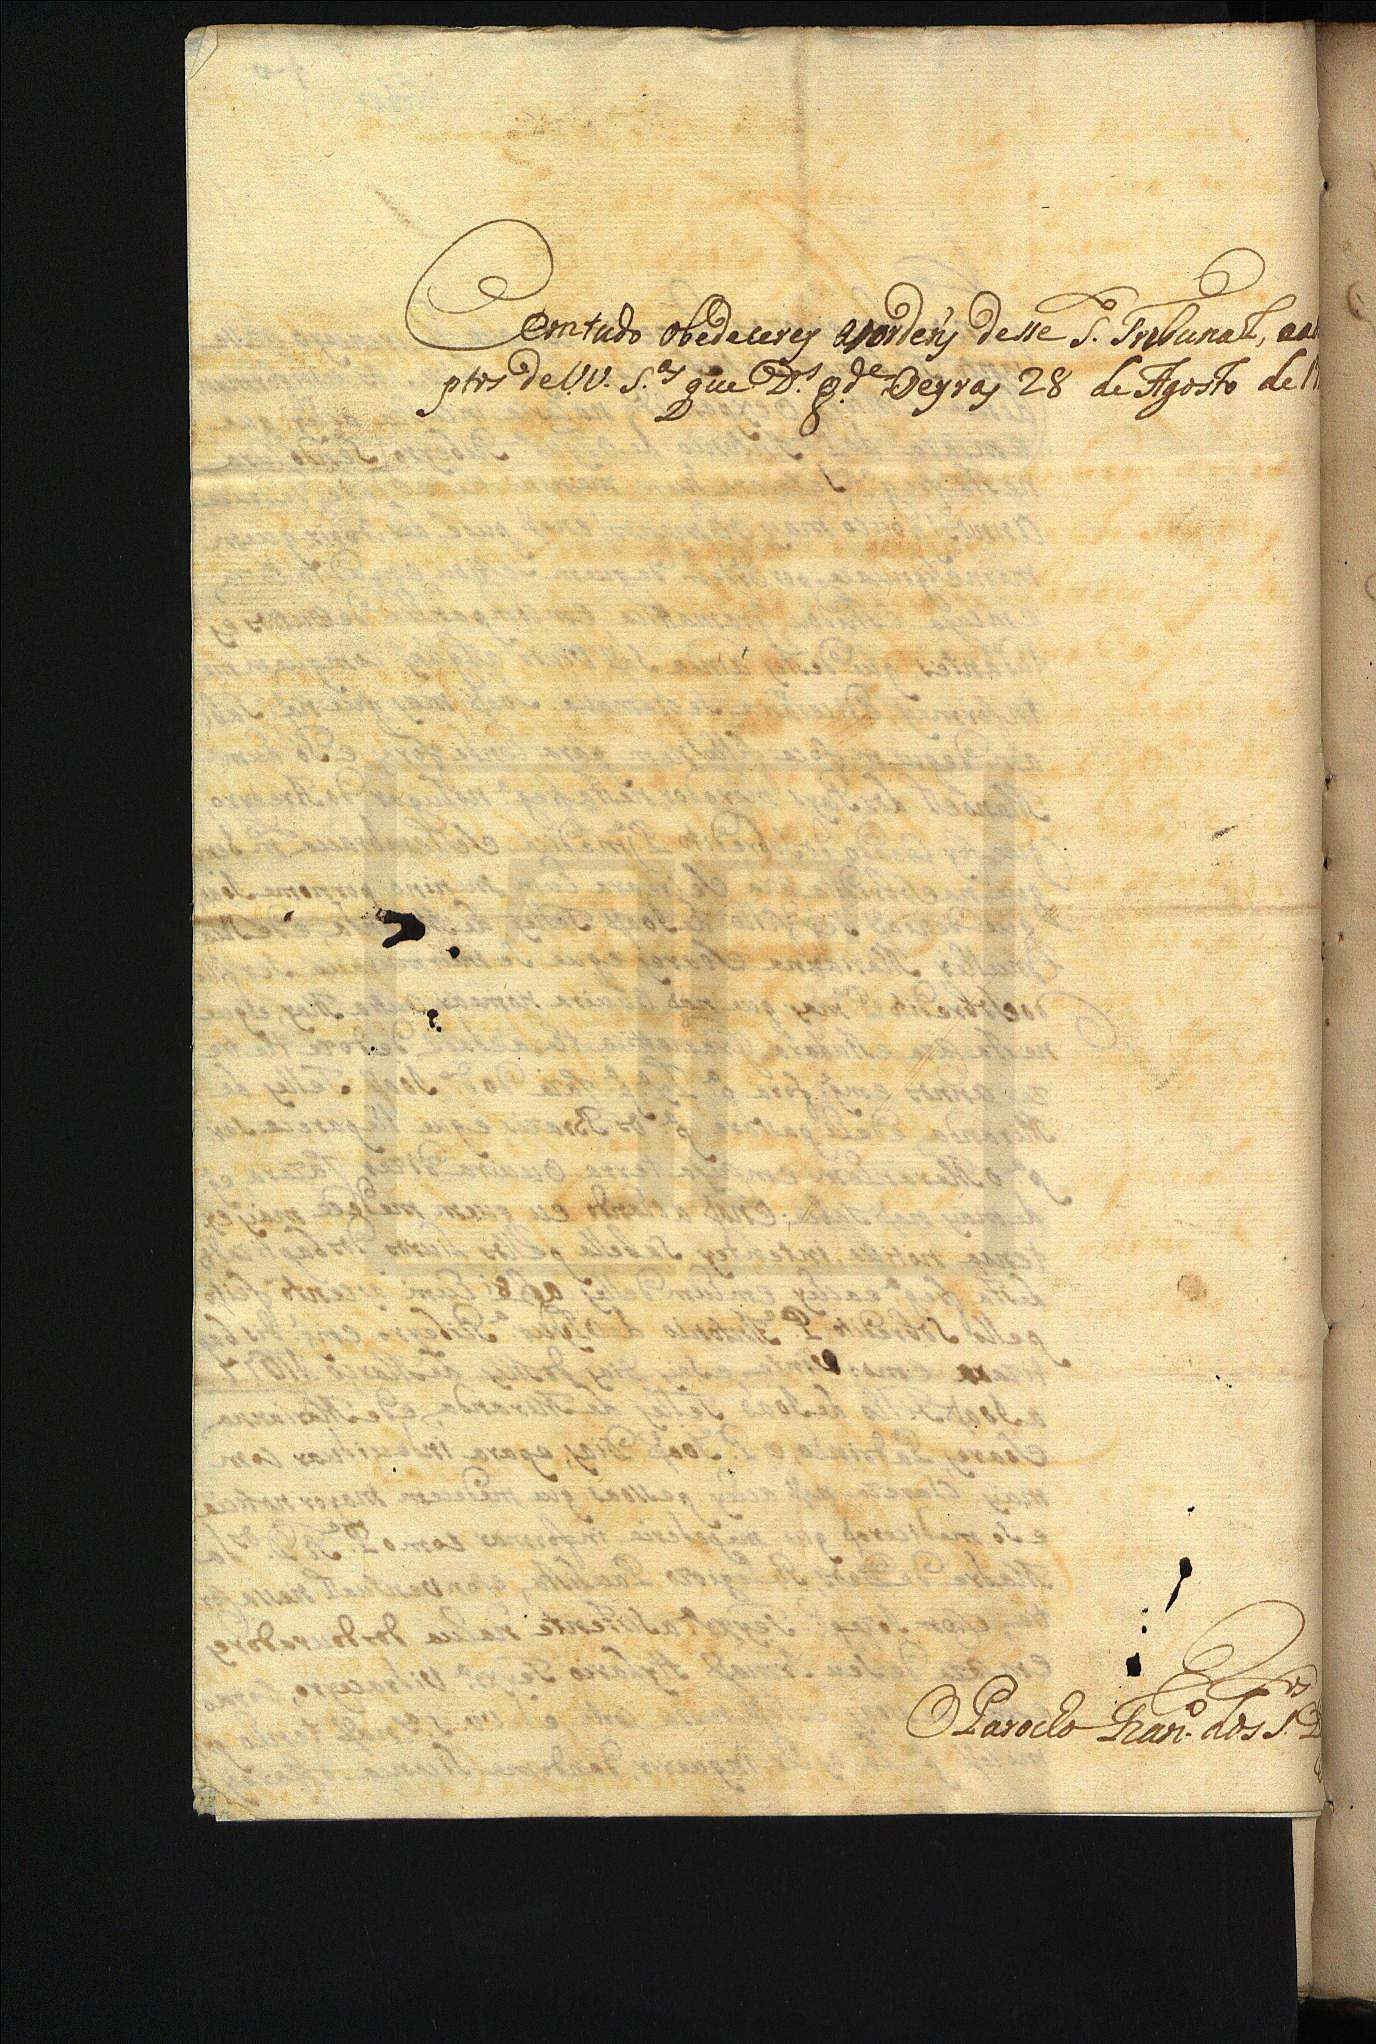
E em tudo obedecerey as orden̄s desse s.to Tribunal, e a
ptos de VV. S.as que D.s g.de Beyras 28 de Agosto de 1
O Parocho Fran.co dos S.tos D
